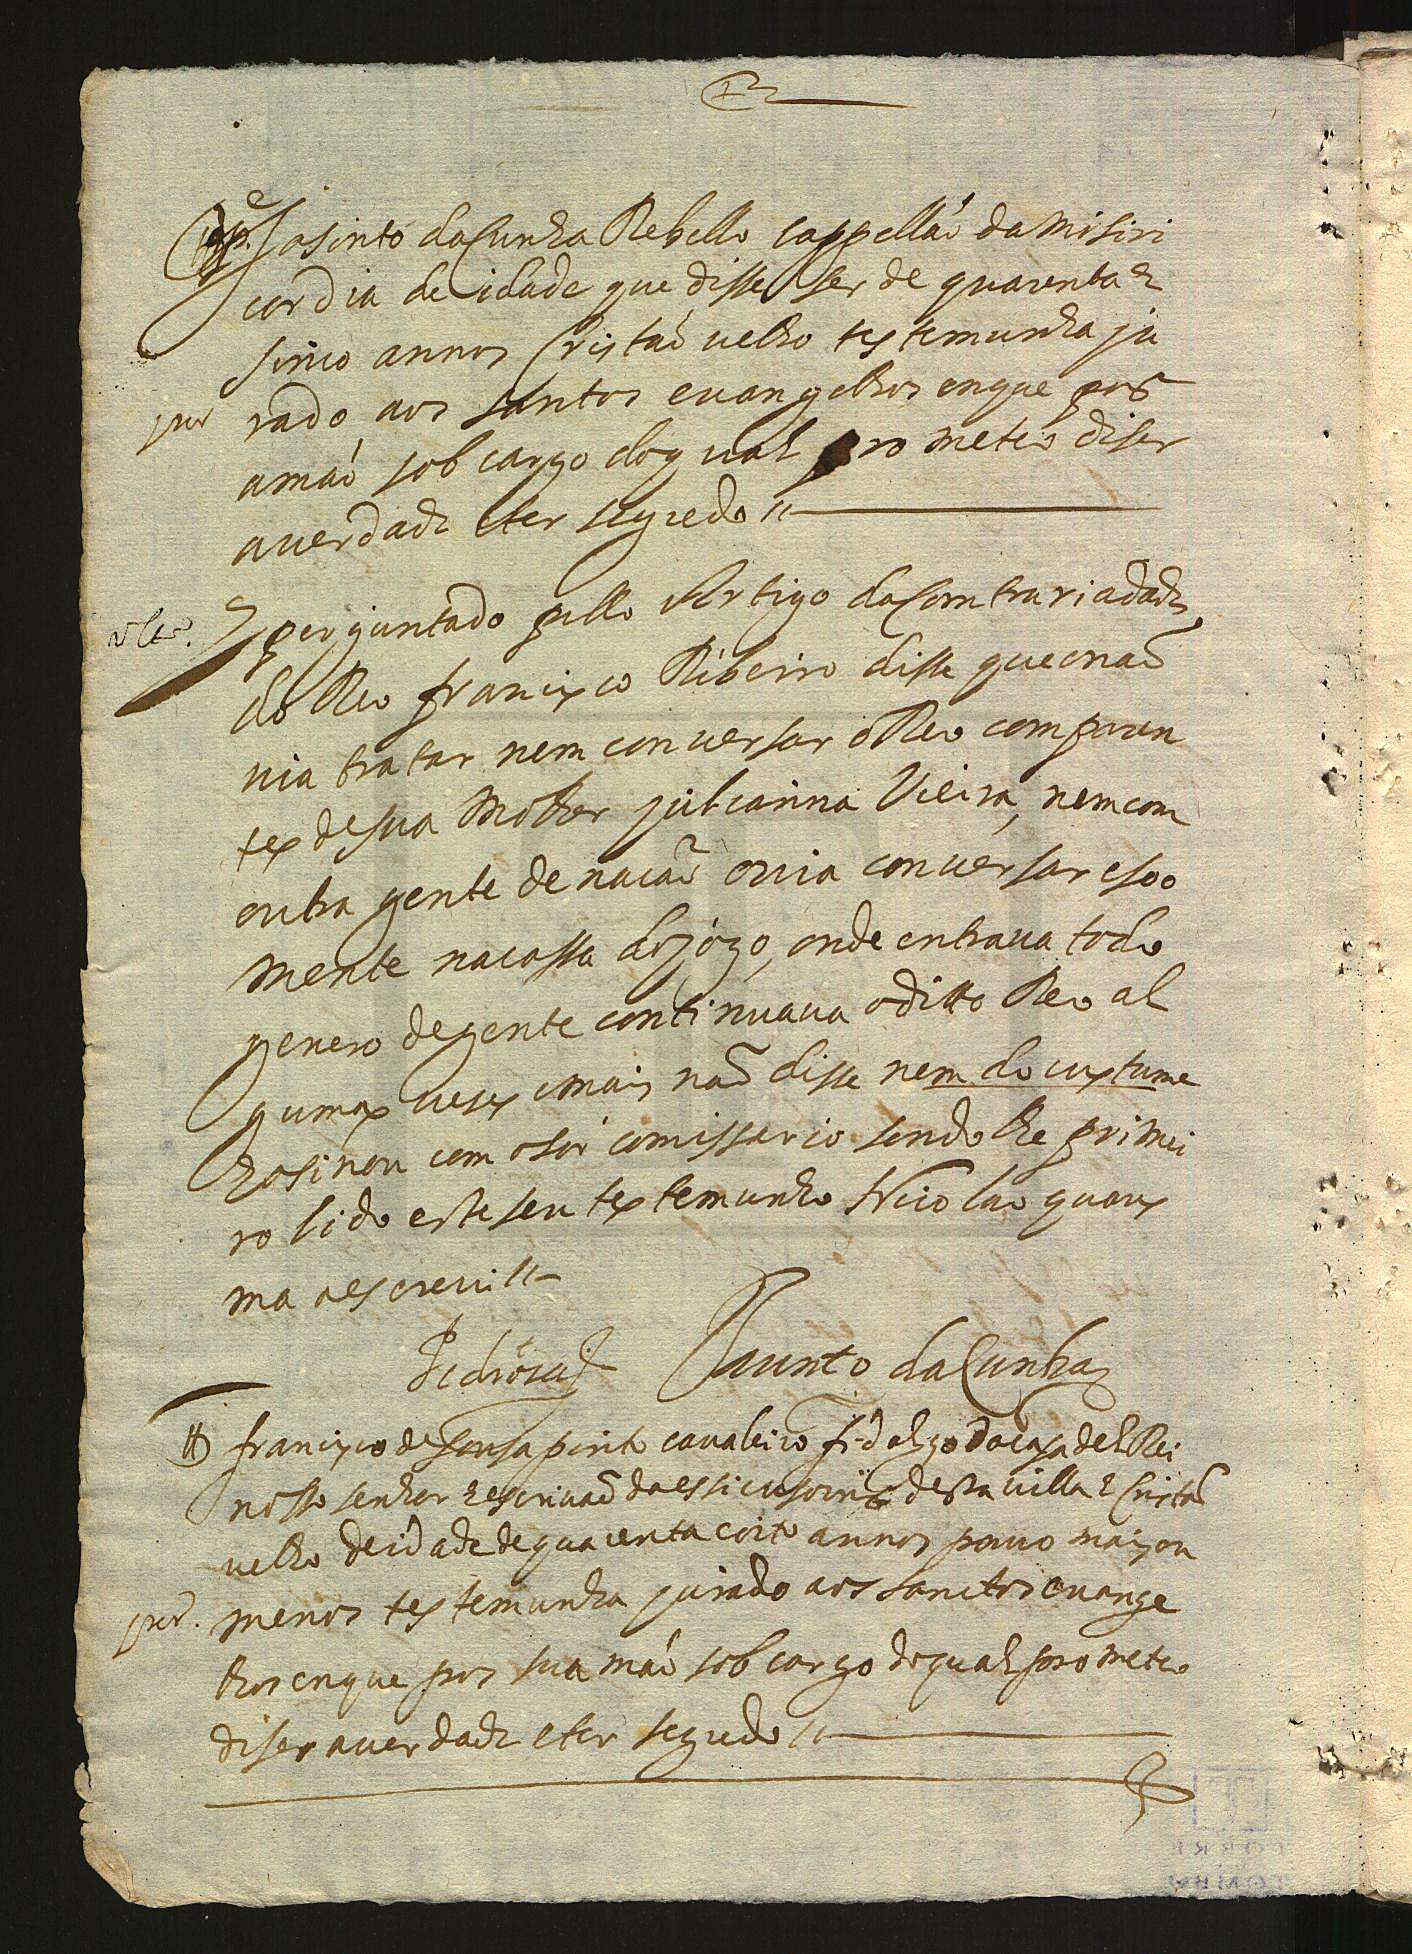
O p.e Jasinto da Cunha Rebelo cappellaõ da miseri
cordia de idade que disse ser de quarenta E
sinco annos Cristaõ uelho testemunha ju
rado aos santos euangelhos en que pos
a maõ sob cargo do qual prometeo diser
a uerdade e ter segredo //
E perguntado pello Artigo da Comtrariadade
do Reo francisco Ribeiro disse que o naõ
uia tratar nem conuersar o Reo com paren
tes de sua molher julianna Vieira, nem com
outra gente de nacaõ o uia conuersar e soo
mente na cassa do jogo, onde entraua todo
genero de gente continuaua o ditto Reo al
gumas ueses e mais naõ disse nem do custume
E asinou com o sor̄ comissario sendolhe primei
ro lido este seu testemunho Nicolao quares
ma a escreui //
item francisco de sousa pinto caualeiro fidalgo da casa del Rei
nosso senhor E escriuaõ da essicusoins desta uilla E Cristaõ
uelho de idade de quarenta e oito annos pouco mais ou
menos testemunha jurado aos sanctos euange
lhos en que pos sua maõ sob cargo do qual prometeo
diser a uerdade e ter segredo //
jur
vlta.
jur.
